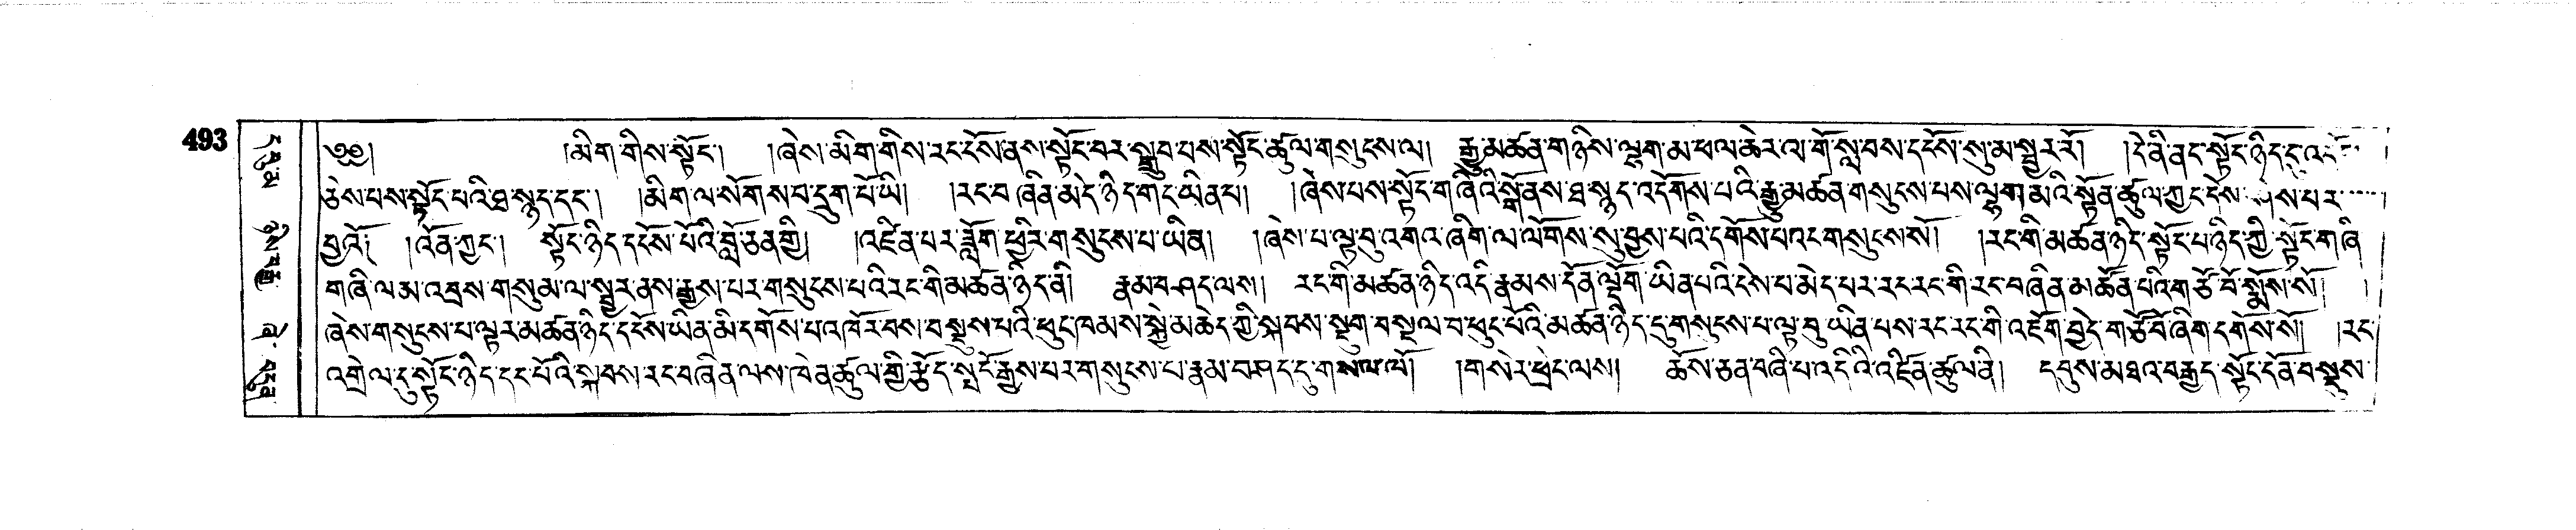༄༅། །མིག་གིས་སྟོང་། །ཞེས་མིག་གིས་རང་ངོས་ནས་སྟོང་བར་སྒྲུབ་པས་སྟོང་ཚུལ་གསུངས་ལ། རྒྱུ་མཚན་གཉིས་ལྷག་མ་ཕལ་ཆེར་ལ་གོ་སླ་བས་དངོས་སུ་མ་སྦྱར་རོ། །དེ་ནི་ནང་སྟོང་ཉིད་དུ་འདོད་
ཅེས་པས་སྟོང་པའི་ཐ་སྙད་དང་། །མིག་ལ་སོགས་བ་དྲུག་པོ་ཡི། །རང་བཞིན་མེད་ཉིད་གང་ཡིན་པ། །ཞེས་པས་སྟོང་གཞིའི་སྒོ་ནས་ཐ་སྙད་འདོགས་པའི་རྒྱུ་མཚན་གསུངས་པས་ལྷག་མའི་སྟོན་ཚུལ་ཀྱང་དེས་ཤེས་པར་
བྱའོ༑ །འོན་ཀྱང་། སྟོང་ཉིད་དངོས་པོའི་བློ་ཅན་གྱི། །འཛིན་པར་ཟློག་ཕྱིར་གསུངས་པ་ཡིན། །ཞེས་པ་ལྟ་བུ་འགའ་ཞིག་ལ་ལོགས་སུ་བྱས་པའི་དགོས་པའང་གསུངས་སོ། །རང་གི་མཚན་ཉིད་སྟོང་པ་ཉིད་ཀྱི་སྟོང་གཞི་
གཞི་ལམ་འབྲས་གསུམ་ལ་སྦྱར་ནས་རྒྱས་པར་གསུངས་པའི་རང་གི་མཚན་ཉིད་ནི། རྣམ་བཤད་ལས། རང་གི་མཚན་ཉིད་འདི་རྣམས་དོན་ལྡོག་ཡིན་པའི་ངེས་པ་མེད་པར་རང་རང་གི་རང་བཞིན་མཚོན་པའི་གཙོ་བོ་སྨོས་སོ། །
ཞེས་གསུངས་པ་ལྟར་མཚན་ཉིད་དངོས་ཡིན་མི་དགོས་པ་འཁོར་བས་བསྡུས་པའི་ཕུང་ཁམས་སྐྱེ་མཆེད་ཀྱི་སྐབས་སྡུག་བསྔལ་བ་ཕུང་པོའི་མཚན་ཉིད་དུ་གསུངས་པ་ལྟ་བུ་ཡིན་པས་རང་རང་གི་འཇོག་བྱེད་གཙོ་བོ་ཞིག་དགོས་སོ། །རང་
འགྲེལ་དུ་སྟོང་ཉིད་དང་པོའི་སྐབས་རང་བཞིན་ལས་ཁེན་ཚུལ་གྱི་རྩོད་སྤོང་རྒྱས་པར་གསུངས་པ་རྣམ་བཤད་དུ་གསལ་ལོ། །གསེར་ཕྲེང་ལས། ཆོས་ཅན་བཞི་པ་འདིའི་འཛིན་ཚུལ་ནི། དབུས་མཐའ་བརྒྱད་སྟོང་དོན་བསྡུས་